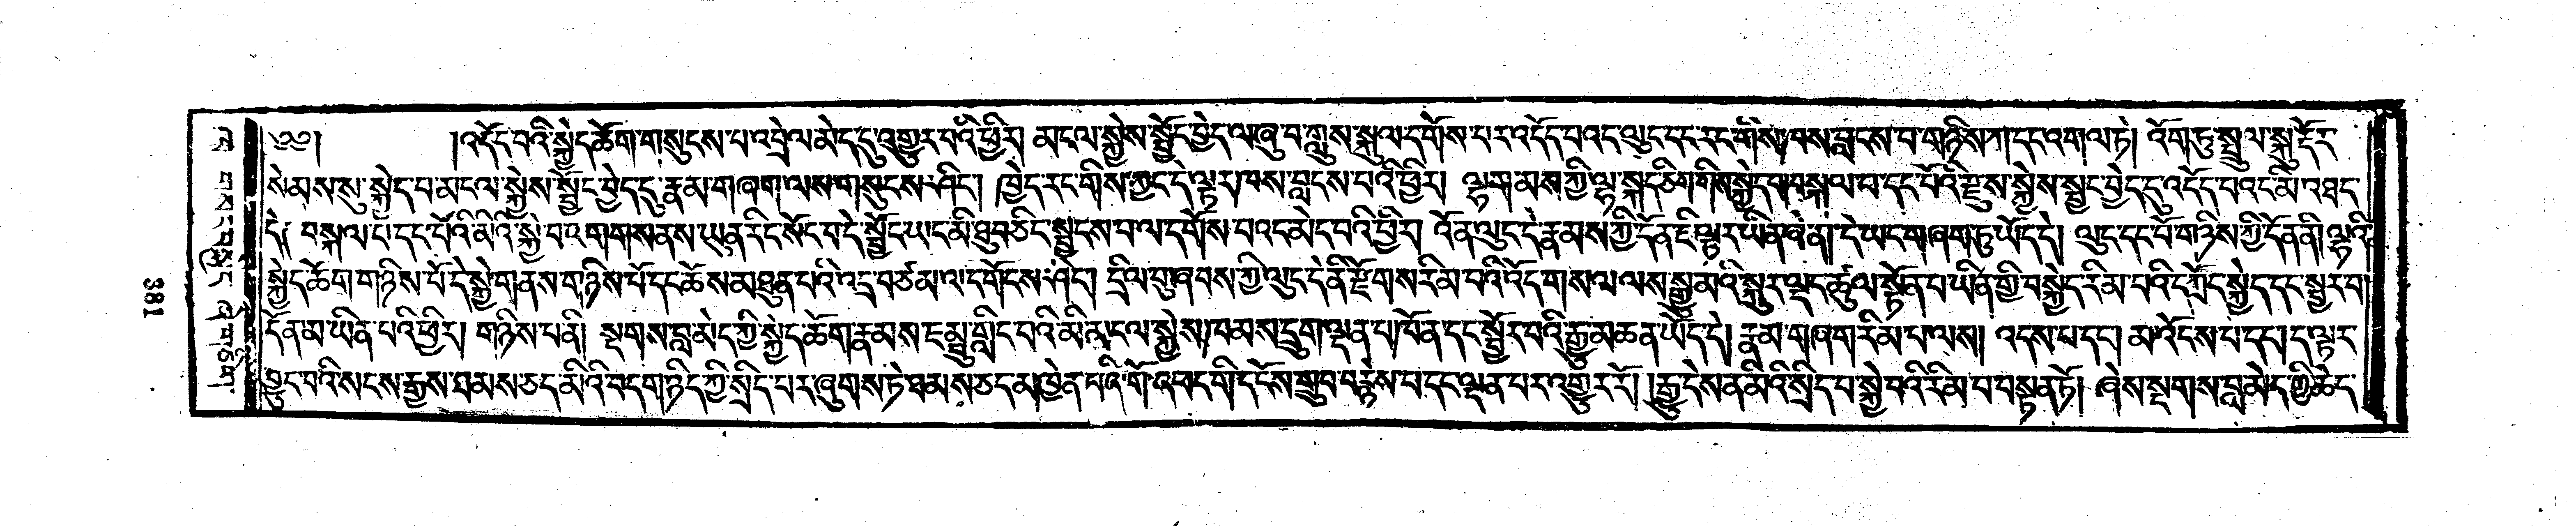༄༅། །འདོད་པའི་སྐྱེད་ཆོག་གསུངས་པ་འབྲེལ་མེད་དུ་འགྱུར་བའི་ཕྱིར། མངལ་སྐྱེས་སྦྱོང་བྱེད་ལ་ཞུ་བ་གླུས་སྐུལ་དགོས་པར་འདོད་པའང་ལུང་དང་རང་གིས་ཁས་བླངས་པ་གཉིས་ཀ་དང་འགལ་ཏེ། འོག་ཏུ་སྤྲུལ་སྐུ་རྡོར་
སེམས་སུ་སྐྱེད་པ་མངལ་སྐྱེས་སྦྱོང་བྱེད་དུ་རྣམ་གཞག་ལས་གསུངས་ཤིང་། ཁྱེད་རང་གིས་ཀྱང་དེ་ལྟར་ཁས་བླངས་པའི་ཕྱིར། ལྷག་མས་ཀྱི་ལྷ་སྐད་ཅིག་གི་བསྐྱེད་པ། བསྐལ་པ་དང་པོའི་རྫུས་སྐྱེས་སྦྱང་བྱེད་དུ་འདོད་པའང་མི་འཐད་
དེ༑ བསྐལ་བ་དང་པོའི་མིའི་སྐྱེ་བ་འགགས་ནས་ཡུན་རིང་སོང་བ་དེ་སྤྱོད་ཡང་མི་ཐུབ་ཅིང་སྦྱངས་པ་ལ་དགོས་པའང་མེད་པའི་ཕྱིར། འོ་ན་ལུང་དེ་རྣམས་ཀྱི་དོན་ཇི་ལྟར་ཡིན་ཞེ་ན། དེ་ཡང་གཞག་ཏུ་ཡོད་དེ། ལུང་དང་པོ་གཉིས་ཀྱི་དོན་ནི། ལྷའི་
སྐྱེད་ཆོག་གཉིས་པོ་དེ་སྐྱེ་གནས་གཉིས་པོ་དང་ཆོས་མཐུན་པའི་འདྲ་བ་ཙམ་ལ་དགོངས་ཤིང་། དྲིལ་བུ་ཞབས་ཀྱི་ལུང་དེ་ནི་རྫོགས་རིམ་པའི་འོད་གསལ་ལས་སྒྱུ་མའི་སྐུར་ལྡང་ཚུལ་སྟོན་པ་ཡིན་གྱི་བསྐྱེད་རིམ་པའི་དཀྲོང་སྐྱེད་དང་སྦྱར་བ་
དོན་མ་ཡིན་པའི་ཕྱིར། གཉིས་པ་ནི། སྔགས་བླ་མེད་ཀྱི་སྐྱེད་ཆོག་རྣམས་ཛམྦུ་གླིང་བའི་མི་མངལ་སྐྱེས་ཁམས་དྲུག་ལྡན་པ་ཁོ་ན་དང་སྦྱོར་བའི་རྒྱུ་མཚན་ཡོད་དེ། རྣམ་གཞག་རིམ་པ་ལས། འདས་པ་དང་། མ་འོངས་པ་དང་། ད་ལྟར་
བྱུང་བའི་སངས་རྒྱས་ཐམས་ཅད་མིའི་བདག་ཉིད་ཀྱི་སྲིད་པར་ཞུགས་ཏེ་ཐམས་ཅད་མཁྱེན་པའི་གོ་འཕང་གི་དངོས་གྲུབ་བརྙེས་པ་དང་ལྡན་པར་འགྱུར་རོ། །རྒྱུ་དེས་ན་མིའི་སྲིད་པ་སྐྱེ་བའི་རིམ་པ་བསྟན་ཏོ། ཞེས་སྔགས་བླ་མེད་ཀྱི་ཆེད་